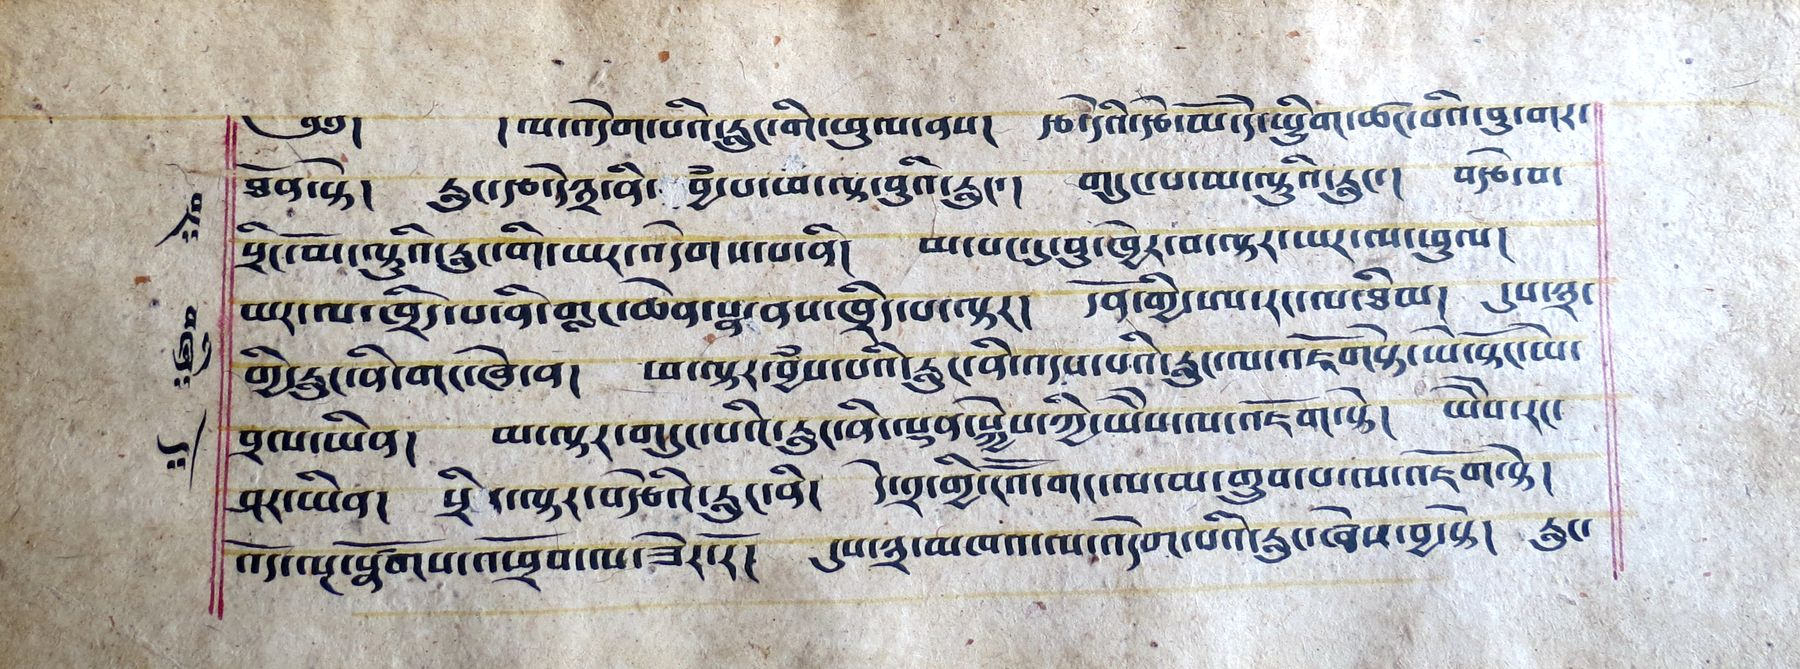ལ་འདེགས་པའི་རླུང་གིས་ཕུལ་ནས། རྩ་དེའི་རྩེ་མོ་དེ་སྤྱི་གཙུག་ཚངས་པའི་བུ་གར་
ཐོན་ཏེ། རླུང་རྩ་དེ་གཉིས་ནི་བྱམས་པ་ཕ་ལྟ་བུའི་རླུང་། གདུང་པ་མ་ལྟ་བུའི་རླུང་། བརྩེ་བ་
སྲིང་མོ་ལྟ་བུའི་རླུང་གིས་ཡར་འདེགས་པ་ནི། མ་པང་དུ་བུ་ཁྱེར་བ་ལྟར་ཡར་ལ་ཕུལ། 
ཡར་ལ་ཁྲིད་པ་ནི་གླང་ཆེན་གྱི་སྣ་ནས་ཁྲིད་པ་ལྟར། དོན་གྱི་ཨ་རང་ལ་ཐིམ། དུས་གསུམ་
གྱི་རླུང་ནི་གང་ཞེ་ན། ཕ་ལྟར་བྱམས་པའི་རླུང་ནི་འདས་པའི་རླུང་ལ་འཇོག་སྟེ་ཡེ་སྟོང་ཡེ་
བྲལ་ཡིན། མ་ལྟར་གདུང་བའི་རླུང་ནི་ལྷན་སྐྱེས་ཀྱི་ཡེ་ཤེས་ལ་འཇོག་སྟེ་ཡེ་ཤེས་རང་
ཤར་ཡིན། སྲིང་ལྟར་བརྩེ་བའི་རླུང་ནི་དེ་གཉིས་ཀྱི་ངོ་བོ་གང་ལ་ཡང་མ་གྲུབ་པར་འཇོག་སྟེ། 
འོད་ལྔ་སྣ་ཚོགས་འཕྲོས་ལ་ཟེར་རོ། །དུས་གསུམ་མཁའ་ལ་འདེགས་པའི་རླུང་ཞེས་བྱ་སྟེ། རླུང་